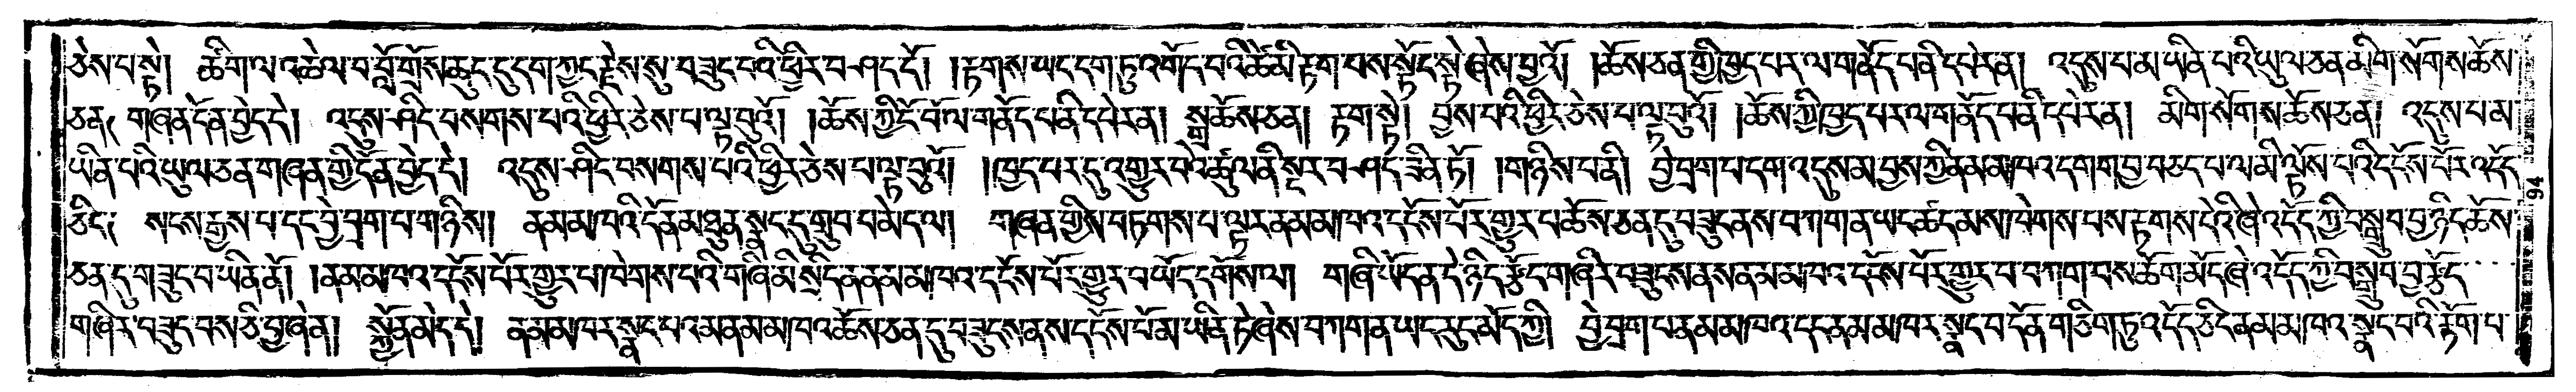ཅེས་པ་སྟེ། ཚིག་ལ་འཆེལ་བ་བློ་གྲོས་ཆུང་དུ་དག་ཀྱང་རྗེས་སུ་བཟུང་བའི་ཕྱིར་བཤད་དོ། །རྟགས་ཡང་དག་ཏུ་འགོད་བའི་ཚེ་མི་རྟག་བས་སྟོང་སྟེ་ཞེས་བྱའོ། །ཆོས་ཅན་གྱི་ཁྱད་པར་ལ་གནོད་པ་ནི་དཔེར་ན། འདུས་པ་མ་ཡིན་པའི་ཡུལ་ཅན་མིག་སོགས་ཆོས་
ཅན༑ གཞན་དོན་བྱེད་དེ། འདུས་ཤིང་བསགས་པའི་ཕྱིར་ཅེས་པ་ལྟ་བུའོ། །ཆོས་ཀྱི་ངོ་བོ་ལ་གནོད་པ་ནི་དཔེར་ན། སྒྲ་ཆོས་ཅན། རྟག་སྟེ། བྱས་པའི་ཕྱིར་ཅེས་པ་ལྟ་བུའོ། །ཆོས་ཀྱི་ཁྱད་པར་ལ་གནོད་པ་ནི་དཔེར་ན། མིག་སོགས་ཆོས་ཅན། འདུས་པ་མ་
ཡིན་པའི་ཡུལ་ཅན་གཞན་གྱི་དོན་བྱེད་དེ། འདུས་ཤིང་བསགས་པའི་ཕྱིར་ཅེས་པ་ལྟ་བུའོ། །ཁྱད་པར་དུ་འགྱུར་པའི་ཚུལ་ནི་སྔར་བཤད་ཟིན་ཏོ། །གཉིས་པ་ནི། བྱེ་བྲག་པ་དག་འདུས་མ་བྱས་ཀྱི་ནམ་མཁའ་དགག་བྱ་བ་ཅད་པ་ལ་མི་ལྟོས་པའི་དངོས་པོར་འདོད་
ཅིང༑ སངས་རྒྱས་པ་དང་བྱེ་བྲག་པ་གཉིས། ནམ་མཁའི་དོན་མཐུན་སྣང་དུ་གྲུབ་པ་མེད་ལ། གཞན་གྱིས་བཏགས་པ་ལྟར་ནམ་མཁའ་དངོས་པོར་གྱུར་པ་ཆོས་ཅན་དུ་བཟུང་ནས་བཀག་ན་ཡང་ཚད་མས་ཁེགས་པས་རྟགས་དེའི་ཞེ་འདོད་ཀྱི་བསྒྲུབ་བྱ་ཉིད་ཆོས་
ཅན་དུ་གཟུང་བ་ཡིན་ནོ། །ནམ་མཁའ་དངོས་པོར་གྱུར་པ་ཁེགས་པའི་གཞི་མི་སྲིད་ན་ནམ་མཁའ་དངོས་པོར་གྱུར་བ་ཡོད་དགོས་ལ། གཞི་ཡོད་ན་དེ་ཉིད་རྩོད་གཞིར་བཟུངས་ནས་ནམ་མཁའ་དངོས་པོར་གྱུར་བ་བཀག་པས་ཆོག་མོད་ཞེ་འདོད་ཀྱི་བསྒྲུབ་བྱ་རྩོད་
གཞིར་བཟུང་བས་ཅི་བྱ་ཞེ་ན། སྐྱོན་མེད་དེ། ནམ་མཁར་སྣང་པའམ་ནམ་མཁའ་ཆོས་ཅན་དུ་བཟུངས་ནས་དངོས་པོ་མ་ཡིན་ཏེ་ཞེས་བཀག་ན་ཡང་རུང་མོད་ཀྱི། བྱེ་བྲག་པ་ནམ་མཁའ་དང་ནམ་མཁར་སྣང་བ་དོན་གཅིག་ཏུ་འདོད་ཅིང་ནམ་མཁའ་སྣང་བའི་རྟོག་པ་